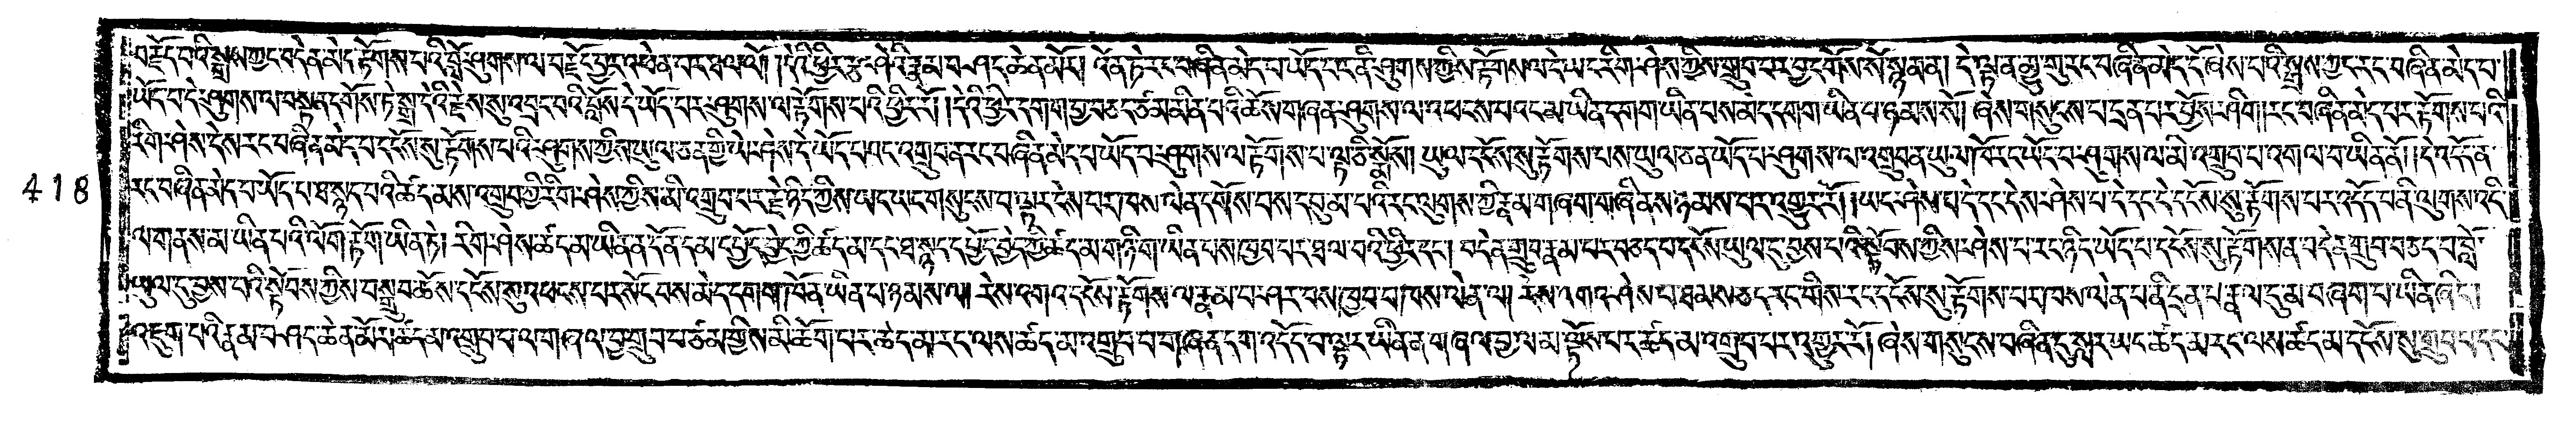བརྗོད་པའི་སྒྲས་ཀྱང་བདེན་མེད་རྟོགས་པའི་བློ་ཤུགས་ལ་བརྗོད་བྱང་འཕེན་པར་ཐལ་ལོ། །དེའི་ཕྱིར་རྩ་ཤེའི་རྣམ་བཤད་ཆེན་མོར། འོན་ཏེ་རང་བཞིན་མེད་པ་ཡོད་པར་ནི་ཤུགས་ཀྱིས་རྟོགས་ལ་དེ་ཡང་རིག་ཤེས་ཀྱིས་གྲུབ་པར་བྱ་དགོས་སོ་སྙམ་ན། དེ་ལྟ་ན་མྱུ་གུ་རང་བཞིན་མེད་དོ་ཞེས་པའི་སྒྲས་ཀྱང་རང་བཞིན་མེད་པ་
ཡོད་པ་དེ་ཤུགས་ལ་བསྟན་དགོས་ཏེ་སྒྲ་དེའི་རྗེས་སུ་འབྲང་བའི་བློས་དེ་ཡོད་པར་ཤུགས་ལ་རྟོགས་པའི་ཕྱིར་རོ། །དེའི་ཕྱིར་དགག་བྱ་བཅད་ཙམ་མིན་པའི་ཆོས་གཞན་ཤུགས་ལ་འཕངས་པའང་མ་ཡིན་དགག་ཡིན་པས་མེད་དགག་ཡིན་པ་ཉམས་སོ། ཞེས་གསུངས་པ་དྲན་པར་བྱོས་ཤིག། རང་བཞིན་མེད་བར་རྟོགས་པའི་
རིག་ཤེས་དེས་རང་བཞིན་མེད་པ་དངོས་སུ་རྟོགས་པའི་ཤུགས་ཀྱིས་ཡུལ་ཅན་གྱི་ཡེ་ཤེས་དེ་ཡོད་པའང་འགྲུབ་ན་རང་བཞིན་མེད་པ་ཡོད་པ་ཤུགས་ལ་རྟོགས་པ་ལྟ་ཅི་སྨོས། ཡུལ་དངོས་སུ་རྟོགས་པས་ཡུལ་ཅན་ཡོད་པ་ཤུགས་ལ་འགྲུབ་ན་ཡུལ་ཁོ་རང་ཡོད་པ་ཤུགས་ལ་མི་འགྲུབ་པ་འགལ་བ་ཡིན་ནོ། །དེ་འདོད་ན་
རང་བཞིན་མེད་པ་ཡོད་པ་ཐ་སྙད་པའི་ཚད་མས་འགྲུབ་ཀྱི་རིག་ཤེས་ཀྱིས་མི་འགྲུབ་པར་རྗེ་ཉིད་ཀྱིས་ཡང་ཡང་གསུངས་པ་ལྟར་ངེས་པར་ཁས་ལེན་དགོས་པས་དབུ་མ་བའི་རང་ལུགས་ཀྱི་རྣམ་གཞག་གཞི་ནས་ཉམས་པར་འགྱུར་རོ། །ཡང་ཤེས་བདེ་དང་དེས་ཤེས་པ་དེ་དང་དེ་དངོས་སུ་རྟོགས་པར་འདོད་པ་ནི་ལུགས་འདི་
ལ་གནས་མ་ཡིན་པའི་ལོག་རྟོག་ཡིན་ཏེ། རིག་ཤེས་ཚད་མ་ཡིན་ན་དོན་དམ་དཔྱོད་བྱེད་ཀྱི་ཚད་མ་དང་ཐ་སྙད་དཔྱོད་བྱེད་ཀྱི་ཚད་མ་གཉི་ག་ཡིན་པས་ཁྱབ་པར་ཐལ་བའི་ཕྱིར་དང་། བདེན་གྲུབ་རྣམ་པར་བཅད་པ་དངོས་ཡུལ་དུ་བྱས་པའི་སྟོབས་ཀྱིས་ཤེས་པ་རང་ཉིད་ཡོད་པ་དངོས་སུ་རྟོགས་ན་བདེན་གྲུབ་བཅད་པ་བློ་
ཡུལ་དུ་བྱས་པའི་སྟོབས་ཀྱིས་བསྒྲུབ་ཆོས་དངོས་སུ་འཕངས་པར་སོང་བས་མེད་དགག་ཁོ་ན་ཡིན་པ་ཉམས་ལ། རེས་འགའ་དངོས་རྟོགས་ལ་རྣམ་པ་ཤར་བས་ཁྱབ་པ་ཁས་ལེན་ལ། རེས་འགའ་ཤེས་བ་ཐམས་ཅད་རང་གིས་རང་དངོས་སུ་རྟོགས་པར་ཁས་ལེན་པ་ནི་དྲན་པ་རྣལ་དུ་མ་བཞག་པ་ཡིན་ཞིང་།
འཇུག་པའི་རྣམ་བཤད་ཆེན་མོར། ཚད་མ་འགྲུབ་པ་ལ་གཞལ་བྱ་གྲུབ་པ་ཙམ་གྱིས་མི་ཆོག་བར་ཆད་མ་རང་ལས་ཚད་མ་འགྲུབ་པ་གཞན་དག་འདོད་པ་ལྟར་ཡིན་ན་གཞལ་བྱ་ལ་མ་ལྟོས་པར་ཚད་མ་འགྲུབ་པར་འགྱུར་རོ། ཞེས་གསུངས་བཞིན་དུ་སླར་ཡང་ཚད་མ་རང་ལས་ཚད་མ་དངོས་སུ་གྲུབ་པ་དང་